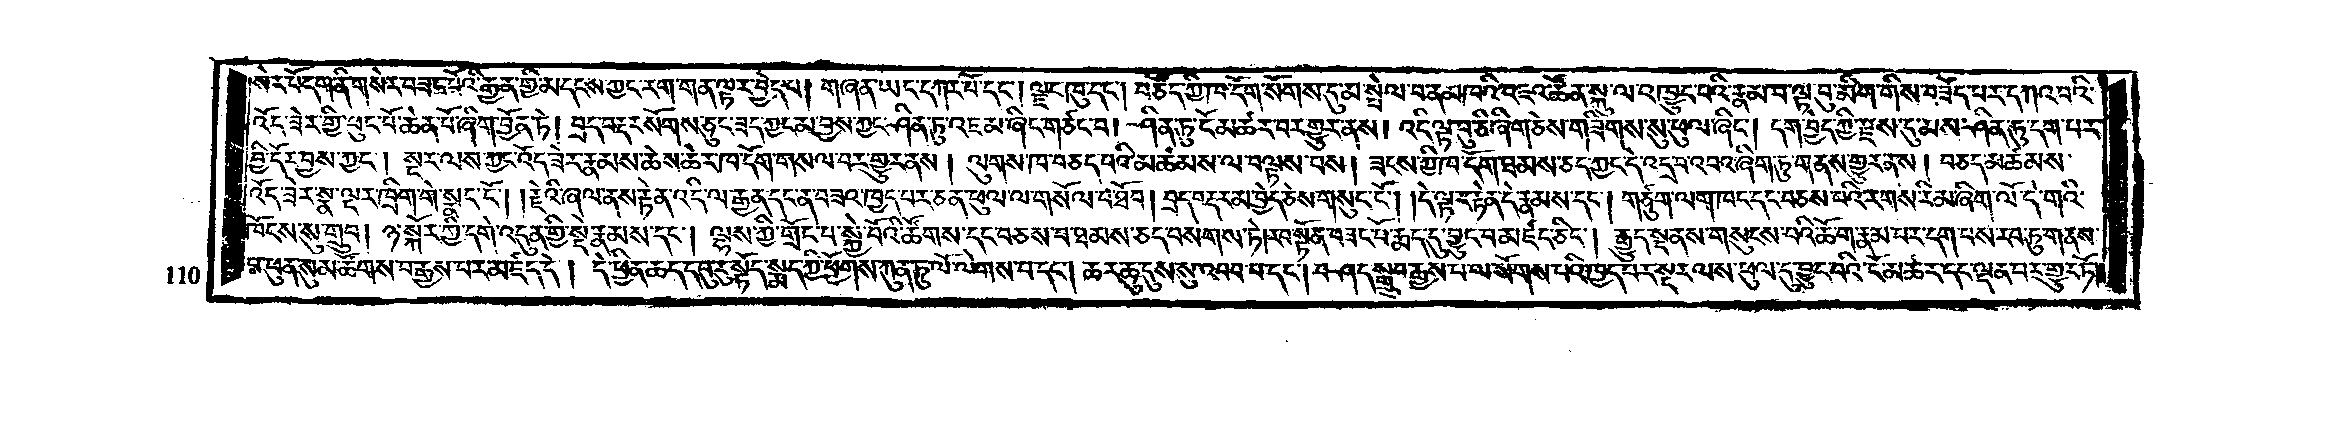སེར་པོ་དག་ནི་གསེར་བཟང་པོའི་རྒྱན་གྱི་མདངས་ཀྱང་རག་གན་ལྟར་བྱེད་པ། གཞན་ཡང་དཀར་པོ་དང་། ལྗང་ཁུ་དང་། བཅོད་ཀྱི་ཁ་དོག་སོགས་དུ་མ་སྤེལ་བ་ནམ་མཁའི་འཇའ་ཚོན་སྐུ་ལ་འཁྱུང་པའི་རྣམ་པ་ལྟ་བུ་མིག་གིས་བཟོད་པར་དཀའ་བའི་
འོད་ཟེར་གྱི་ཕུང་པོ་ཆེན་པོ་ཞིག་བྱོན་ཏེ། བྲད་བརྡར་སོགས་ཅུང་ཟད་ཀྱང་མ་བྱས་ཀྱང་ཤིན་ཏུ་འཇམ་ཞིང་གཙང་བ། ཤིན་ཏུ་ངོ་མཚར་བར་གྱུར་ནས། འདི་ལྟ་བུ་ཅི་ཞིག་ཅེས་གཟིགས་སུ་ཕུལ་ཞིང་། དག་བྱེད་ཀྱི་རྫས་དུ་མས་ཤིན་ཏུ་དག་པར་
བྱི་དོར་བྱས་ཀྱང་། སྔར་ལས་ཀྱང་འོད་ཟེར་རྣམས་ཆེས་ཆེར་ཁ་དོག་གསལ་བར་གྱུར་ནས། ལུགས་ཁ་བཅད་པའི་མཚམས་ལ་བལྟས་པས། ཟངས་ཀྱི་ཁ་དོག་ཐམས་ཅད་ཀྱང་དེ་འདྲ་བ་འབའ་ཞིག་ཏུ་གནས་གྱུར་ནས། བཅད་མཚམས་
འོད་ཟེར་སྣ་ལྔར་ཁྲིག་གེ་སྣང་ངོ། །རྗེའི་ཞལ་ནས་རྟེན་འདི་ལ་རྒྱན་དང་ན་བཟའ་ཁྱད་པར་ཅན་ཕུལ་ལ་གསོལ་བ་ཐོབ། བྲད་བརྡར་མ་བྱེད་ཅེས་གསུང་ངོ། །དེ་ལྟར་རྟེན་དེ་རྣམས་དང་། གཙུག་ལག་ཁང་དང་བཅས་པའི་རགས་རིམ་ཞིག་ལོ་དེ་གའི་
ཁོངས་སུ་གྲུབ། ཉ་སྐོར་གྱི་དགེ་འདུན་གྱི་སྡེ་རྣམས་དང་། ལྷས་ཀྱི་གྲོང་པ་སྐྱེ་བོའི་ཚོགས་དང་བཅས་པ་ཐམས་ཅད་བསགས་ཏེ། རབ་སྟོན་བཟང་པོ་རྨད་དུ་བྱུང་བ་མཛད་ཅིང་། རྒྱུད་སྔ་ནས་གསུངས་པའི་ཆོ་ག་རྣམ་པར་དག་པས་རབ་ཏུ་གནས་
པཾ་ཕུན་སུམ་ཚོགས་པ་རྒྱས་པར་མཛད་དེ། དེ་ཕྱིན་ཆད་དབུ་རུ་སྟོད་སྨད་ཀྱི་ཕྱོགས་ཀུན་ཏུ་ལོ་ལེགས་པ་དང་། ཆར་ཆུ་དུས་སུ་འབབ་པ་དང་། བཤད་སྒྲུབ་རྒྱས་པ་ལ་སོགས་པའི་ཁྱད་པར་སྔར་ལས་ཕུལ་དུ་བྱུང་བའི་ངོ་མཚར་དང་ལྡན་པར་གྱུར་ཏོ།